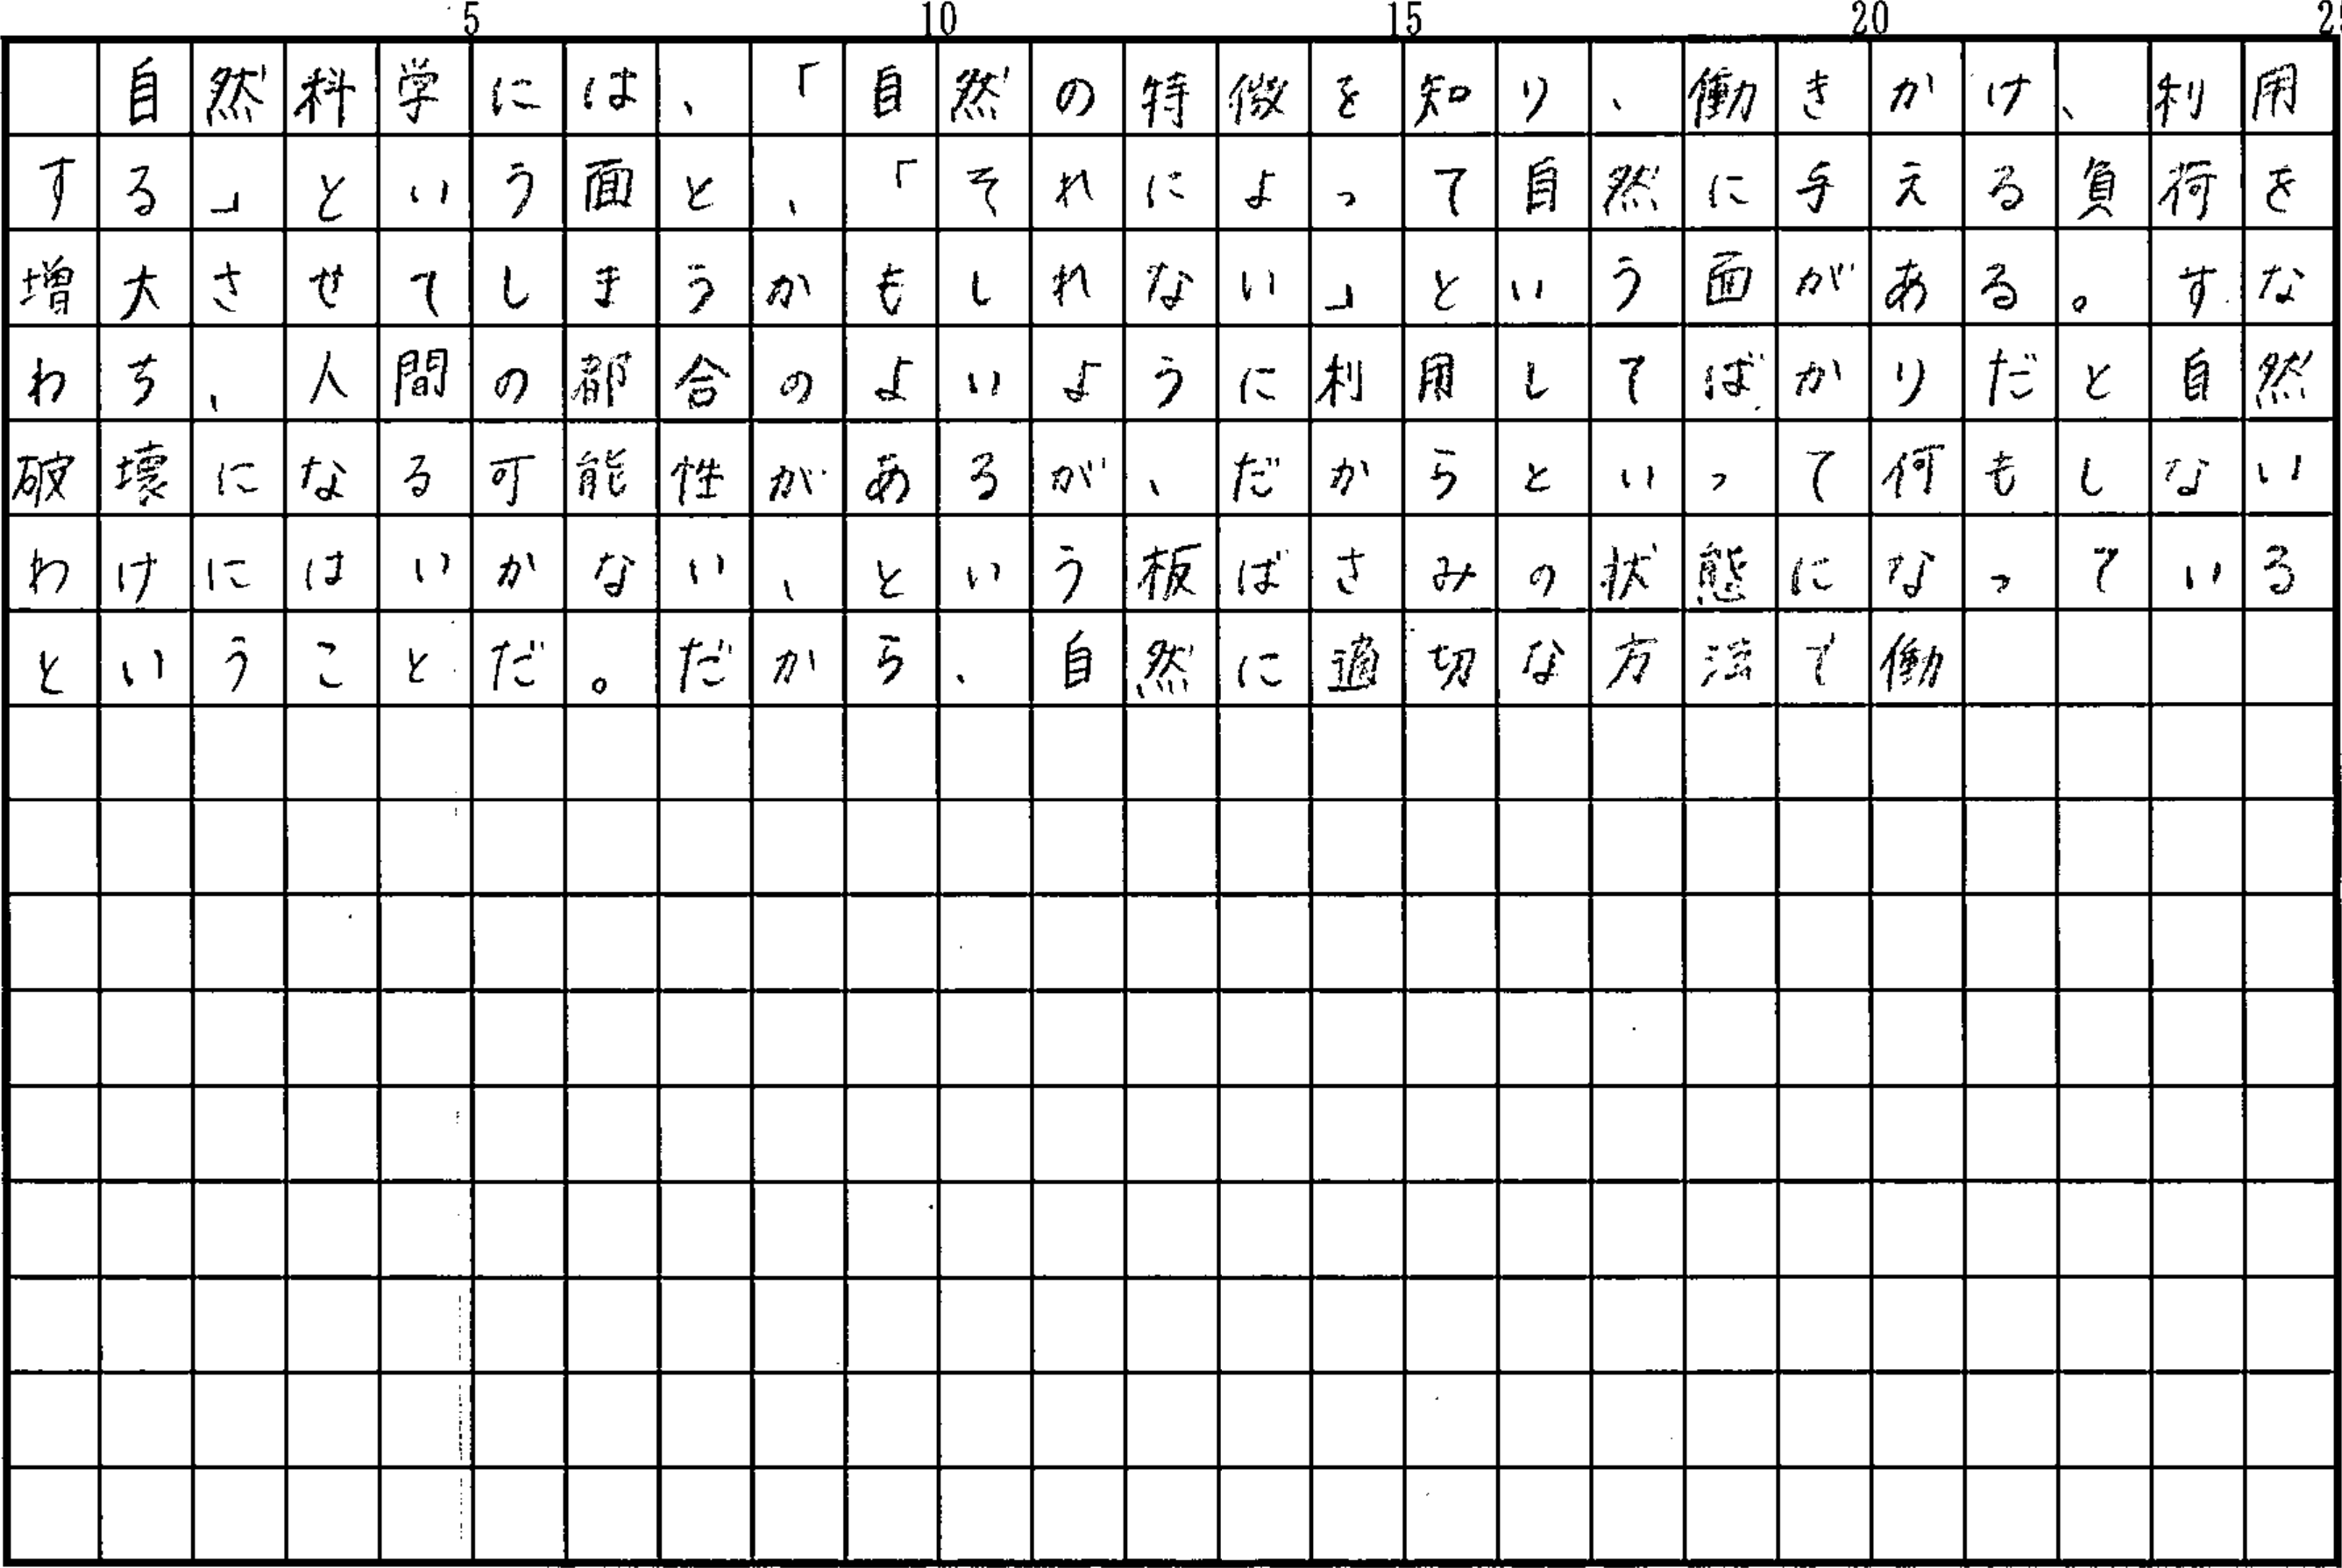　自然科学には、「自然の特徴を知り、働きかけ、利用する」という面と、「それによって自然に与える負荷を増大させてしまうかもしれない」という面がある。すなわち、人間の都合のよいように利用してばかりだと自然破壊になる可能性があるが、だからといって何もしないわけにはいかない、という板ばさみの状態になっているということだ。だから、自然に適切な方法で働
